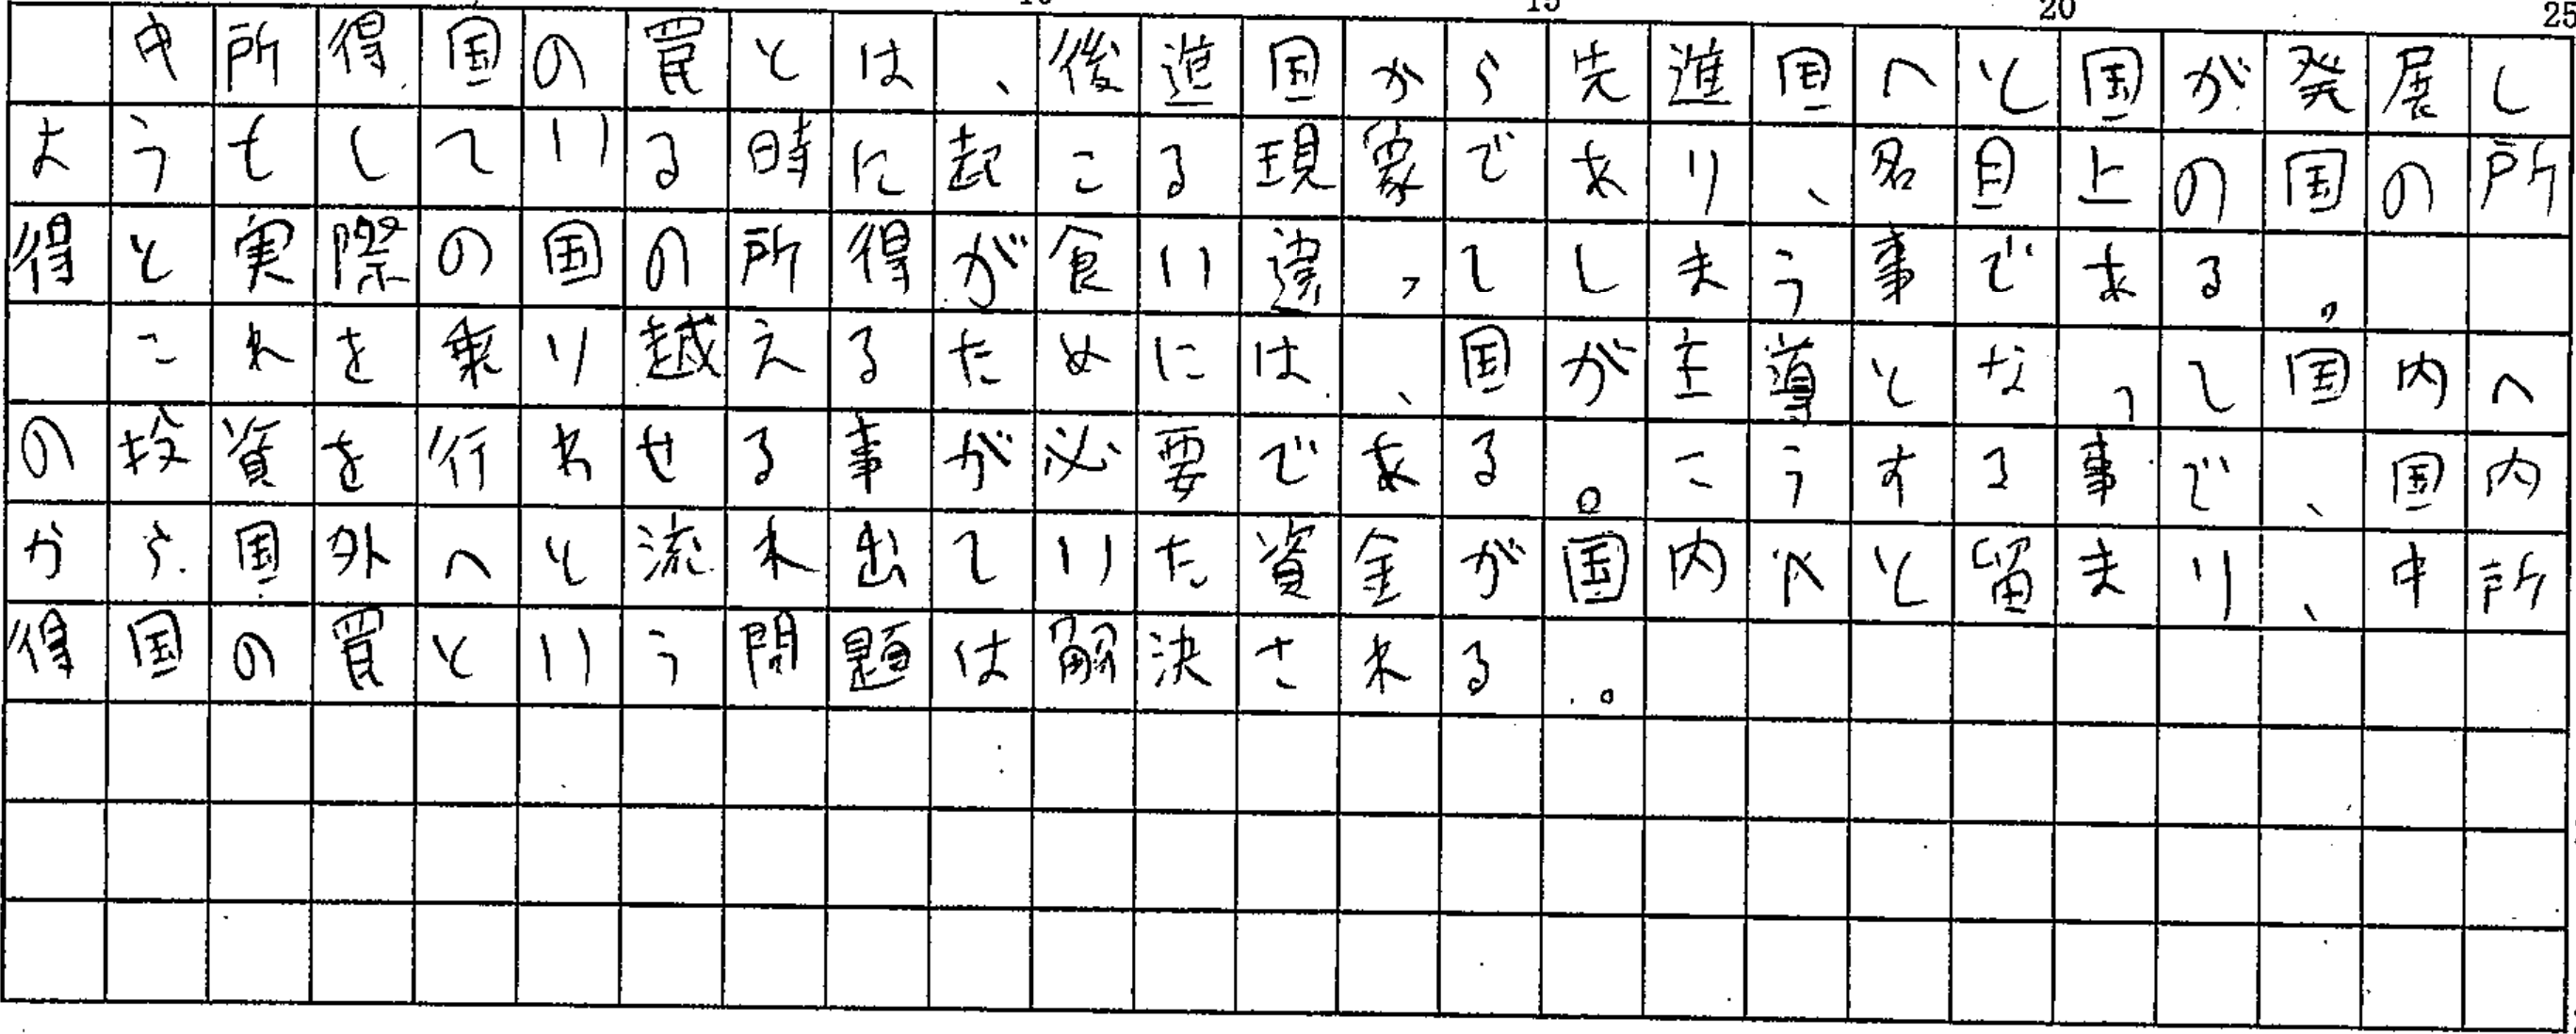　中所得国の罠とは、後進国から先進国へと国が発展しようとしている時に起こる現象であり、名目上の国の所得と実際の国の所得が食い違ってしまう事である。
　これを乗り越えるためには、国が主導となって国内への投資を行わせる事が必要である。こうする事で、国内から国外へと流れ出ていた資金が国内へと留まり、中所得国の罠という問題は解決される。
